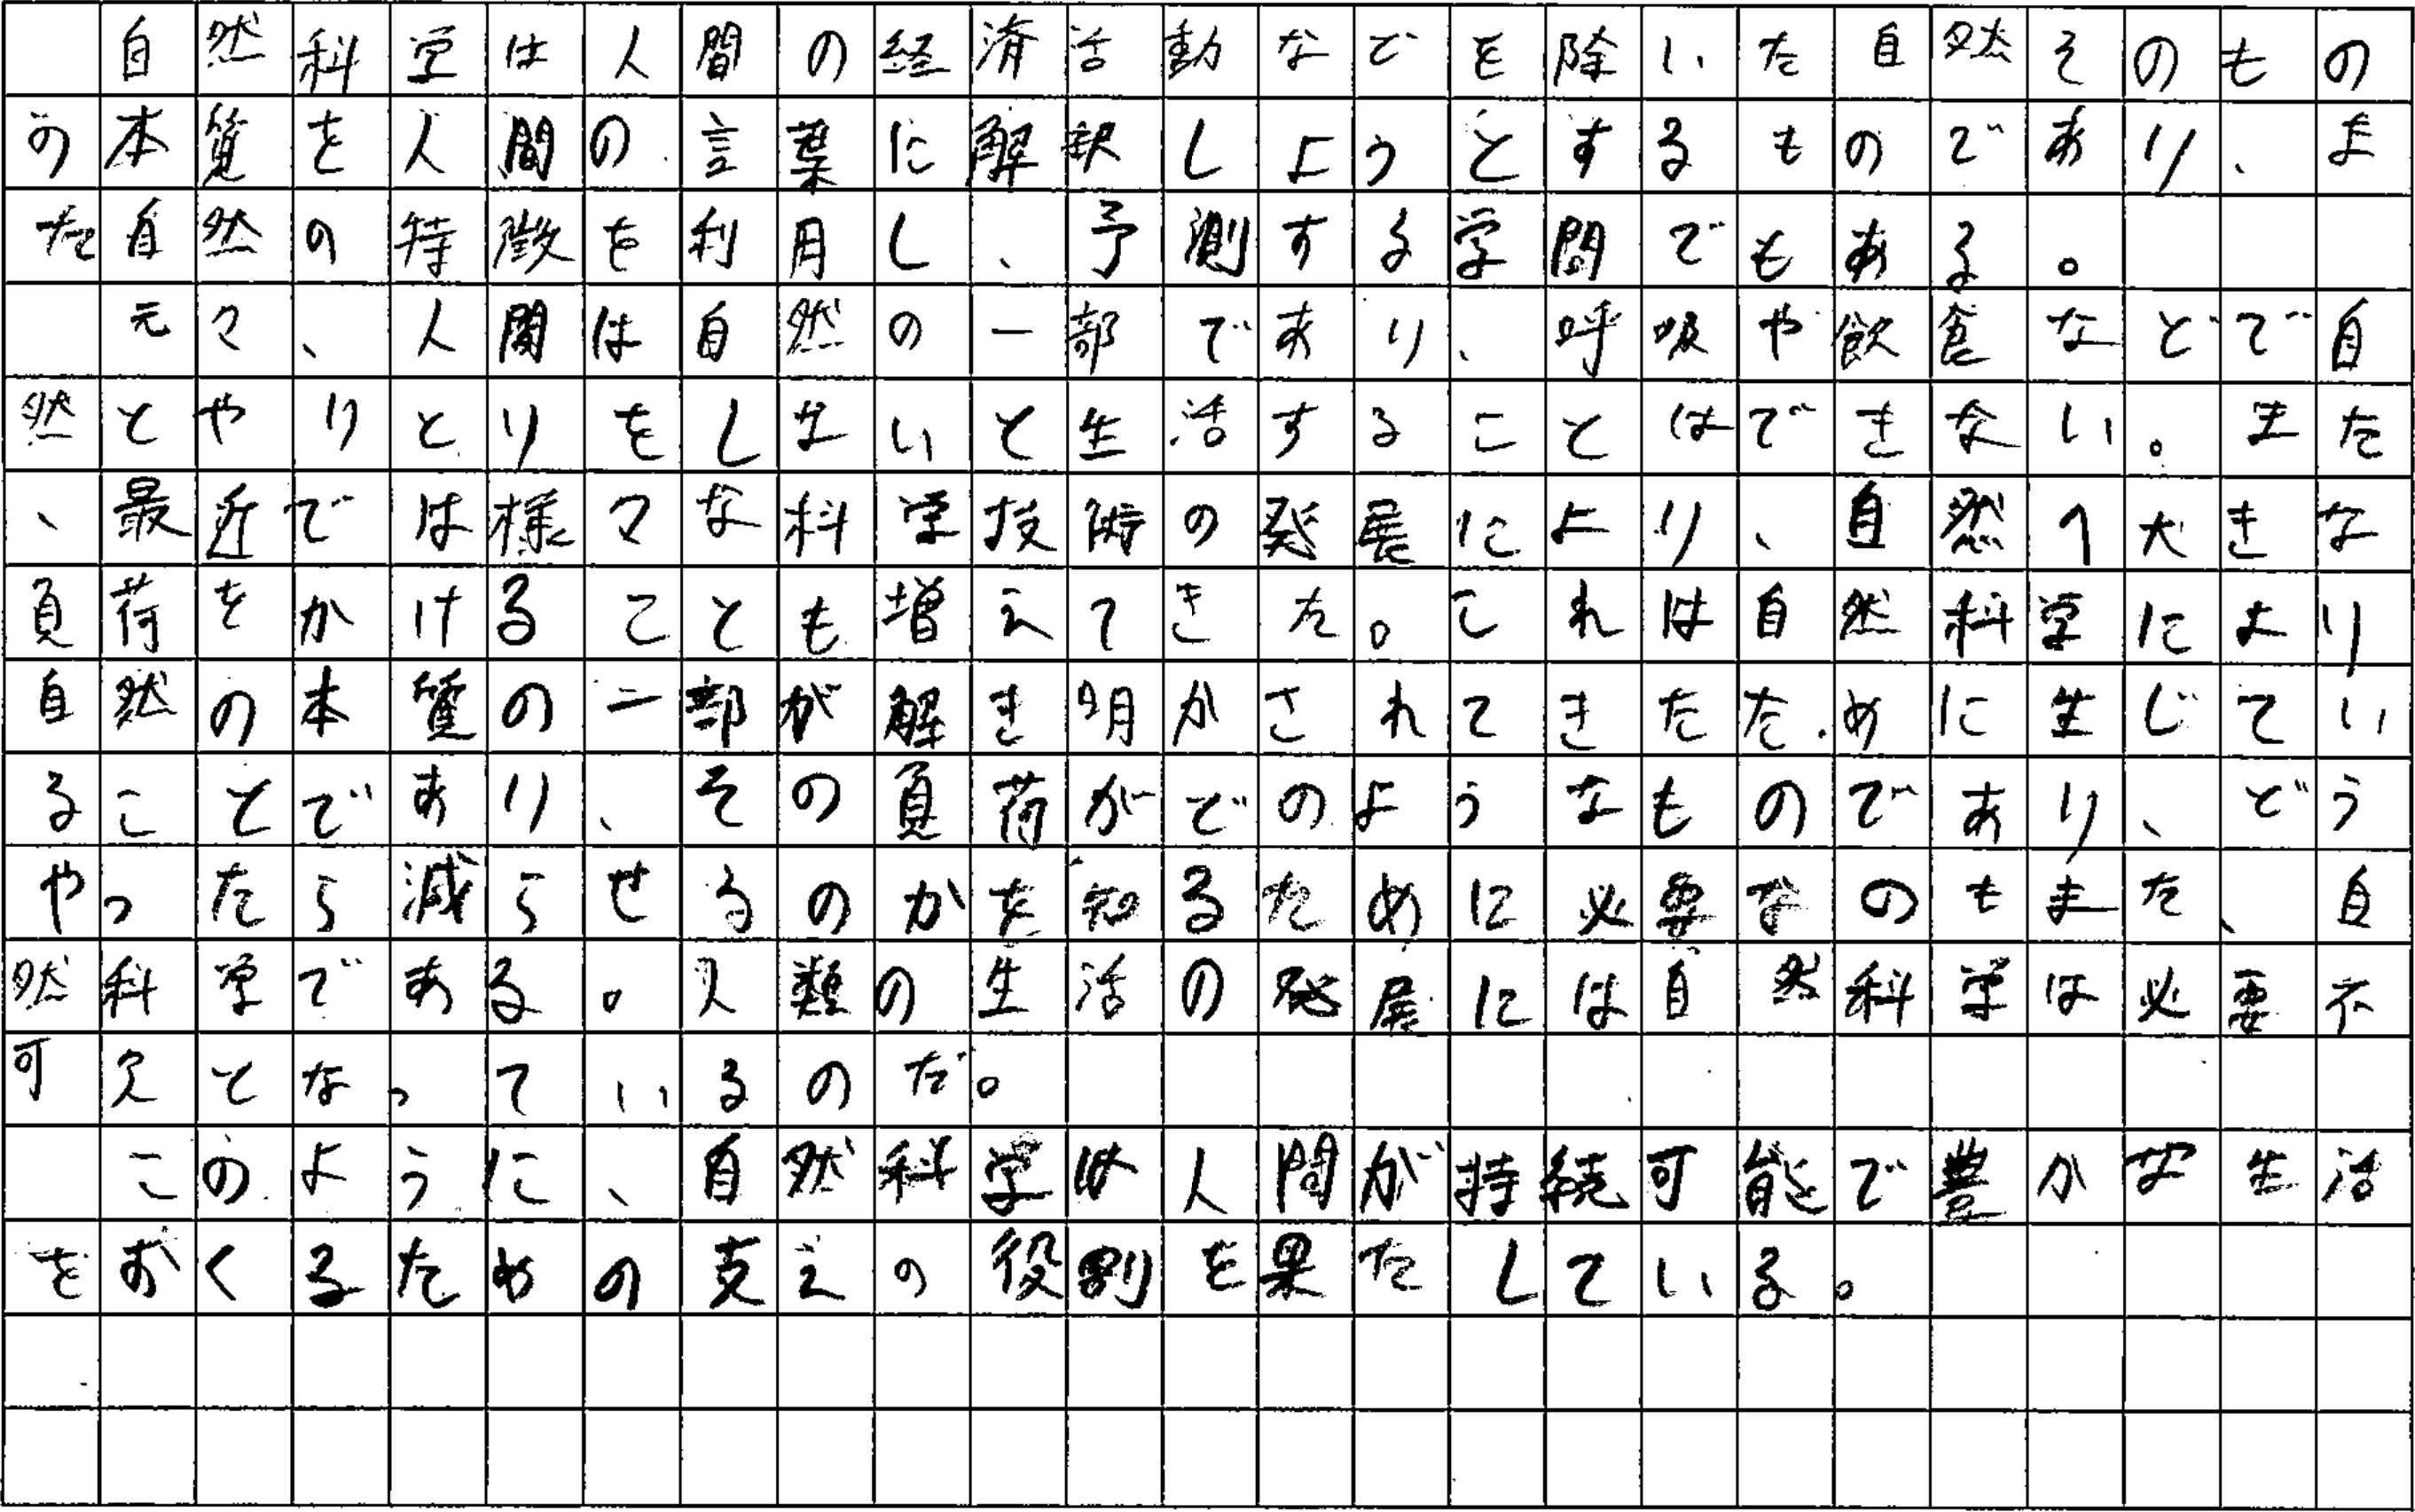　自然科学は人間の経済活動などを除いた自然そのものの本質を人間の言葉に解釈しようとするものであり、また自然の特徴を利用し、予測する学問でもある。
　元々、人間は自然の一部であり、呼吸や飲食などで自然とやりとりをしないと生活することはできない。また、最近では様々な科学技術の発展により、自然へ大きな負荷をかけることも増えてきた。これは自然科学により自然の本質の一部が解き明かされてきたために生じていることであり、その負荷がどのようなものであり、どうやったら減らせるのかを知るために必要なのもまた、自然科学である。人類の生活の発展には自然科学は必要不可欠となっているのだ。
　このように、自然科学は人間が持続可能で豊かな生活をおくるための支えの役割を果たしている。
